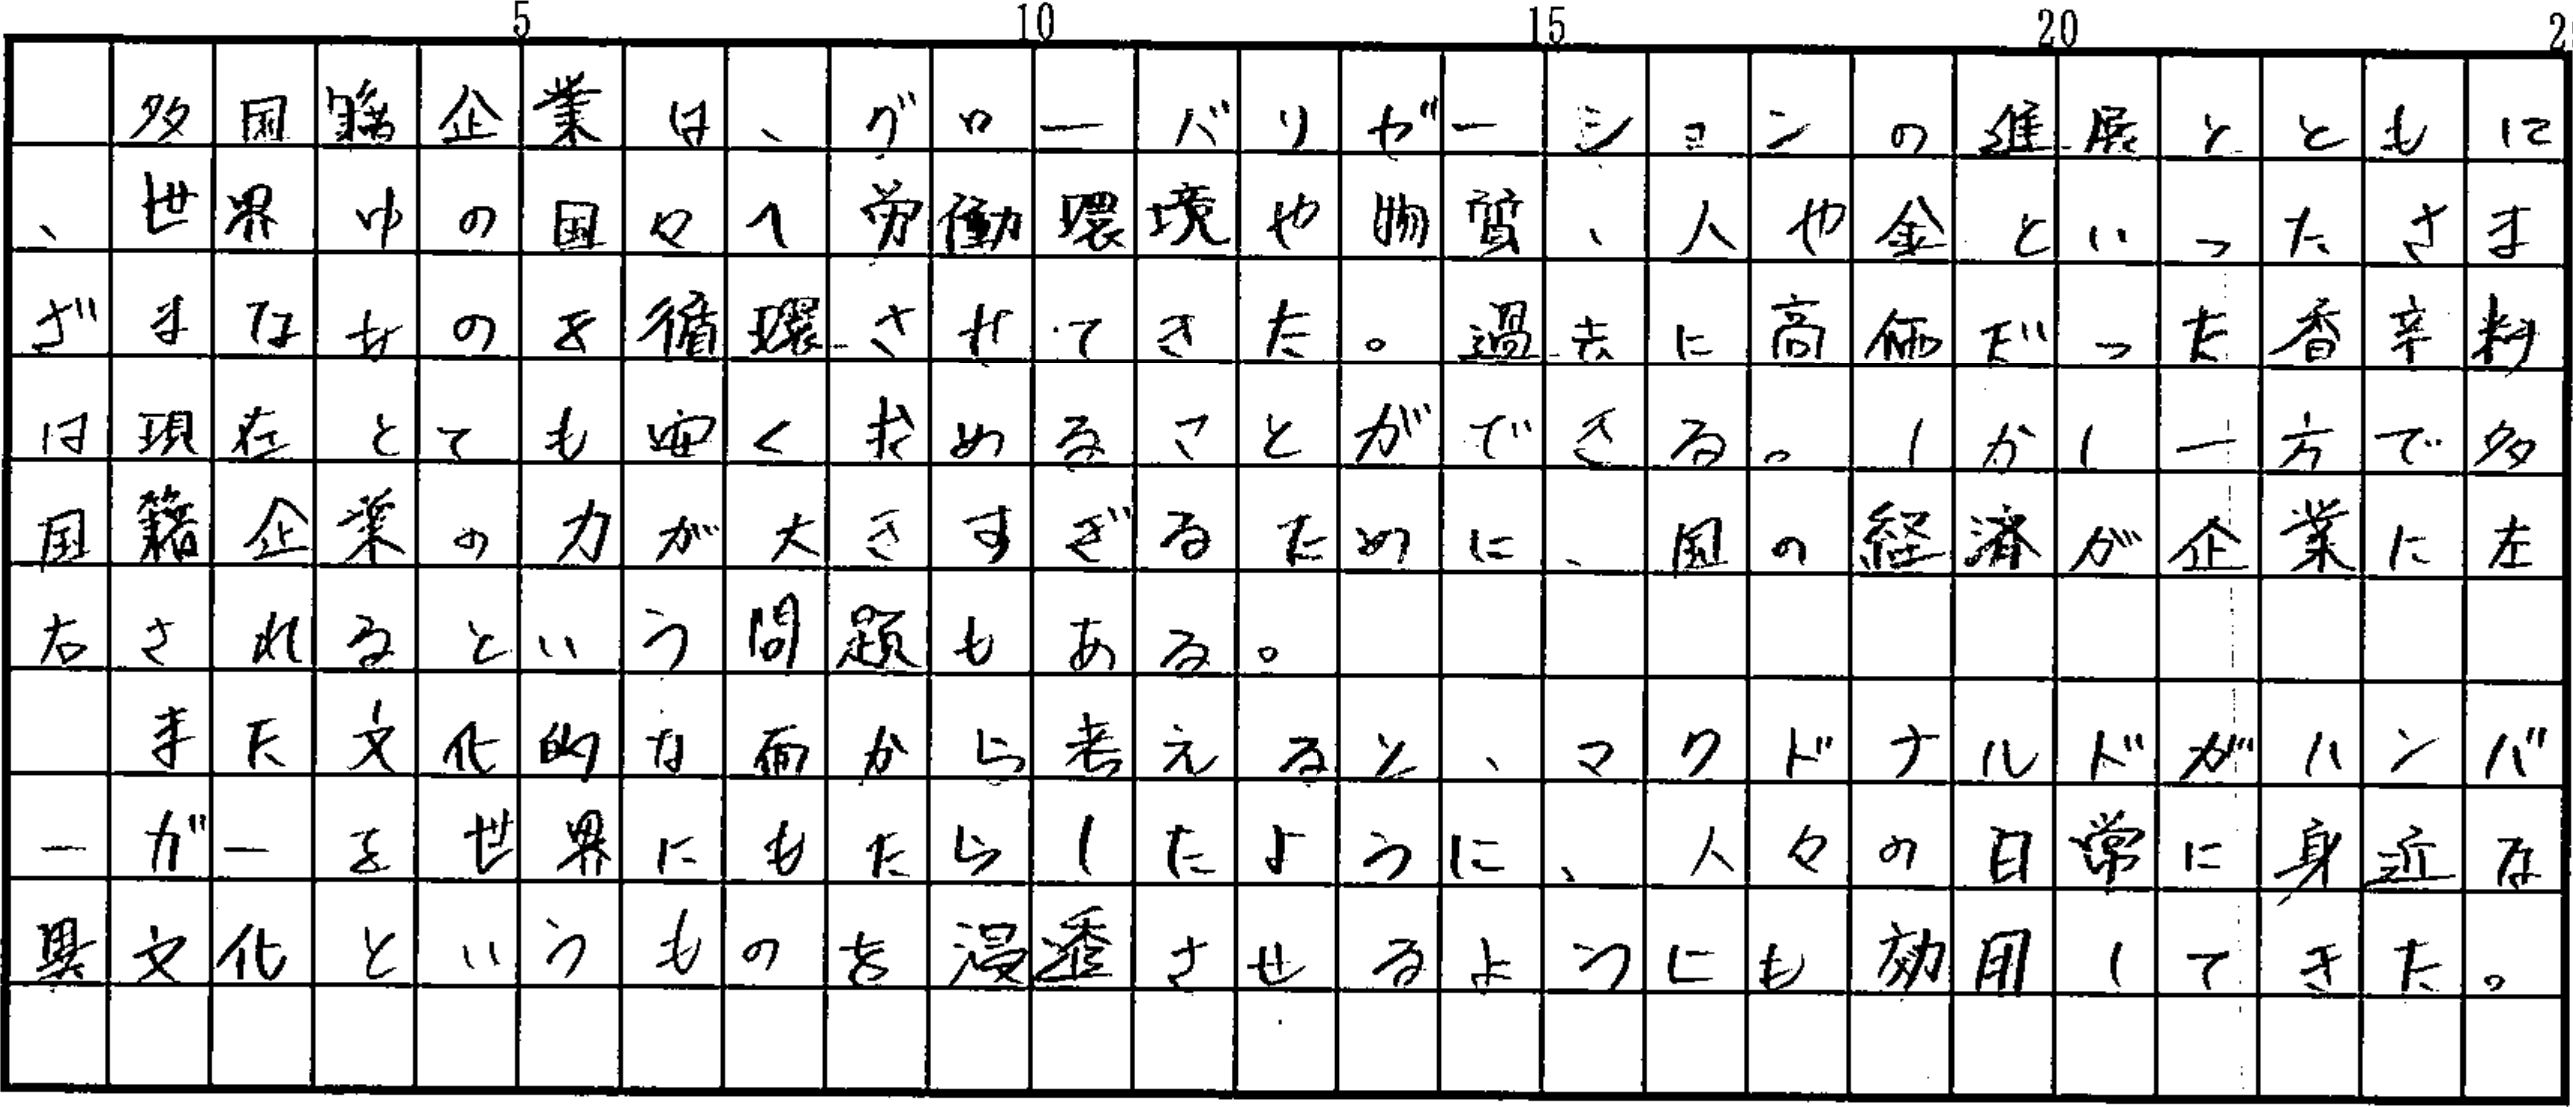　多国籍企業は、グローバリゼーションの進展とともに、世界中の国々へ労働環境や物質、人や金といったさまざまなものを循環させてきた。過去に高価だった香辛料は現在とても安く求めることができる。しかし一方で多国籍企業の力が大きすぎるために、国の経済が企業に左右されるという問題もある。
　また文化的な面から考えると、マクドナルドがハンバーガーを世界にもたらしたように、人々の日常に身近な異文化というものを浸透させるようにも効用してきた。
